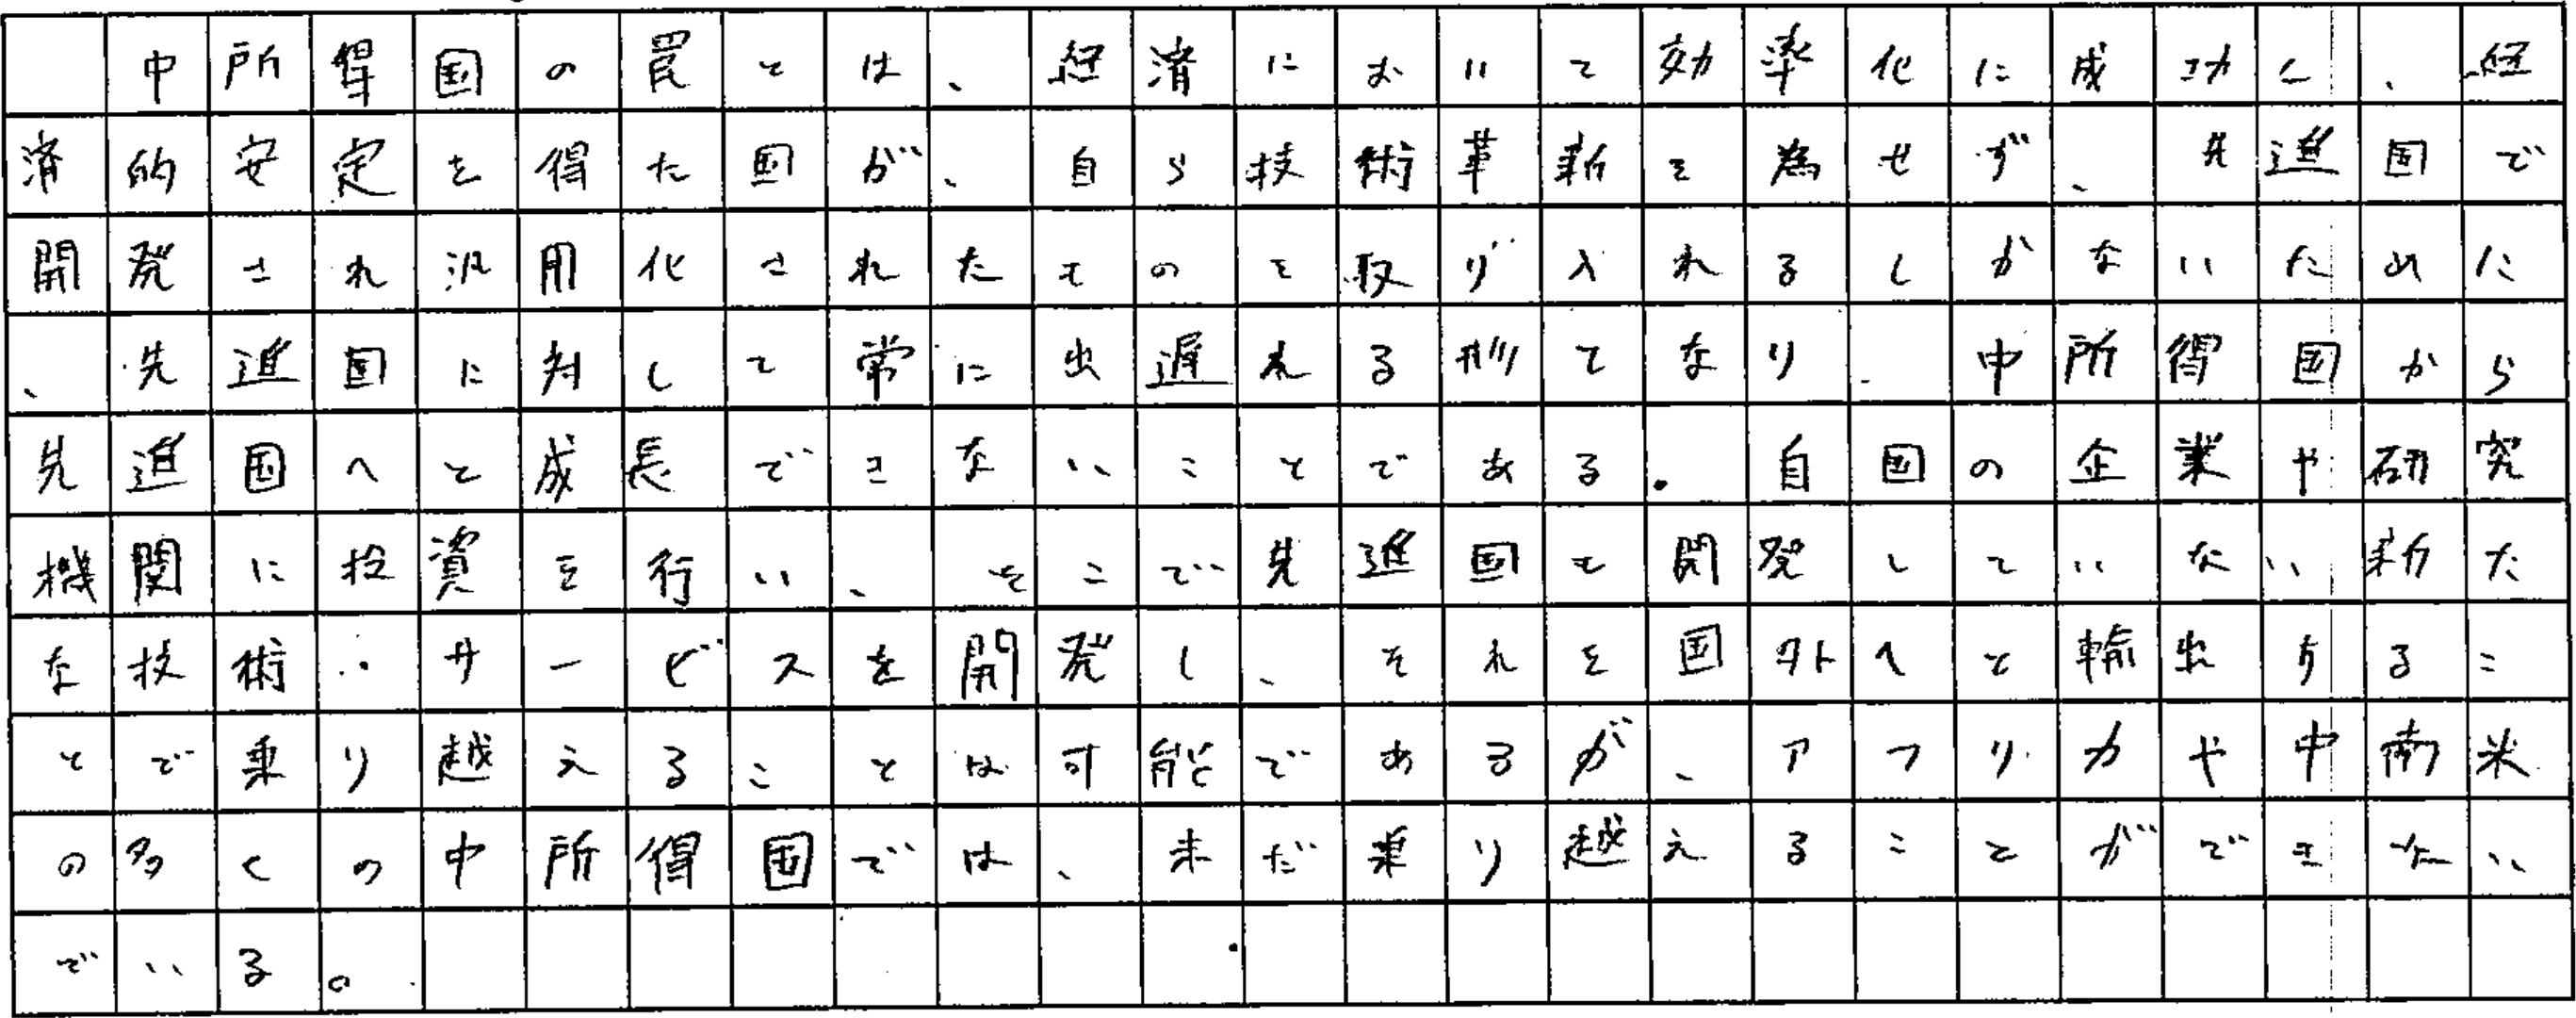　中所得国の罠とは、経済において効率化に成功し、経済的安定を得た国が、自ら技術革新を為せず、先進国で開発され汎用化されたものを取り入れるしかないために、先進国に対して常に出遅れる形となり、中所得国から先進国へと成長できないことである。自国の企業や研究機関に投資を行い、そこで先進国と開発していない新たな技術・サービスを開発し、それを国外へと輸出することで乗り越えることは可能であるが、アフリカや中南米の多くの中所得国では、未だ乗り越えることができないでいる。
